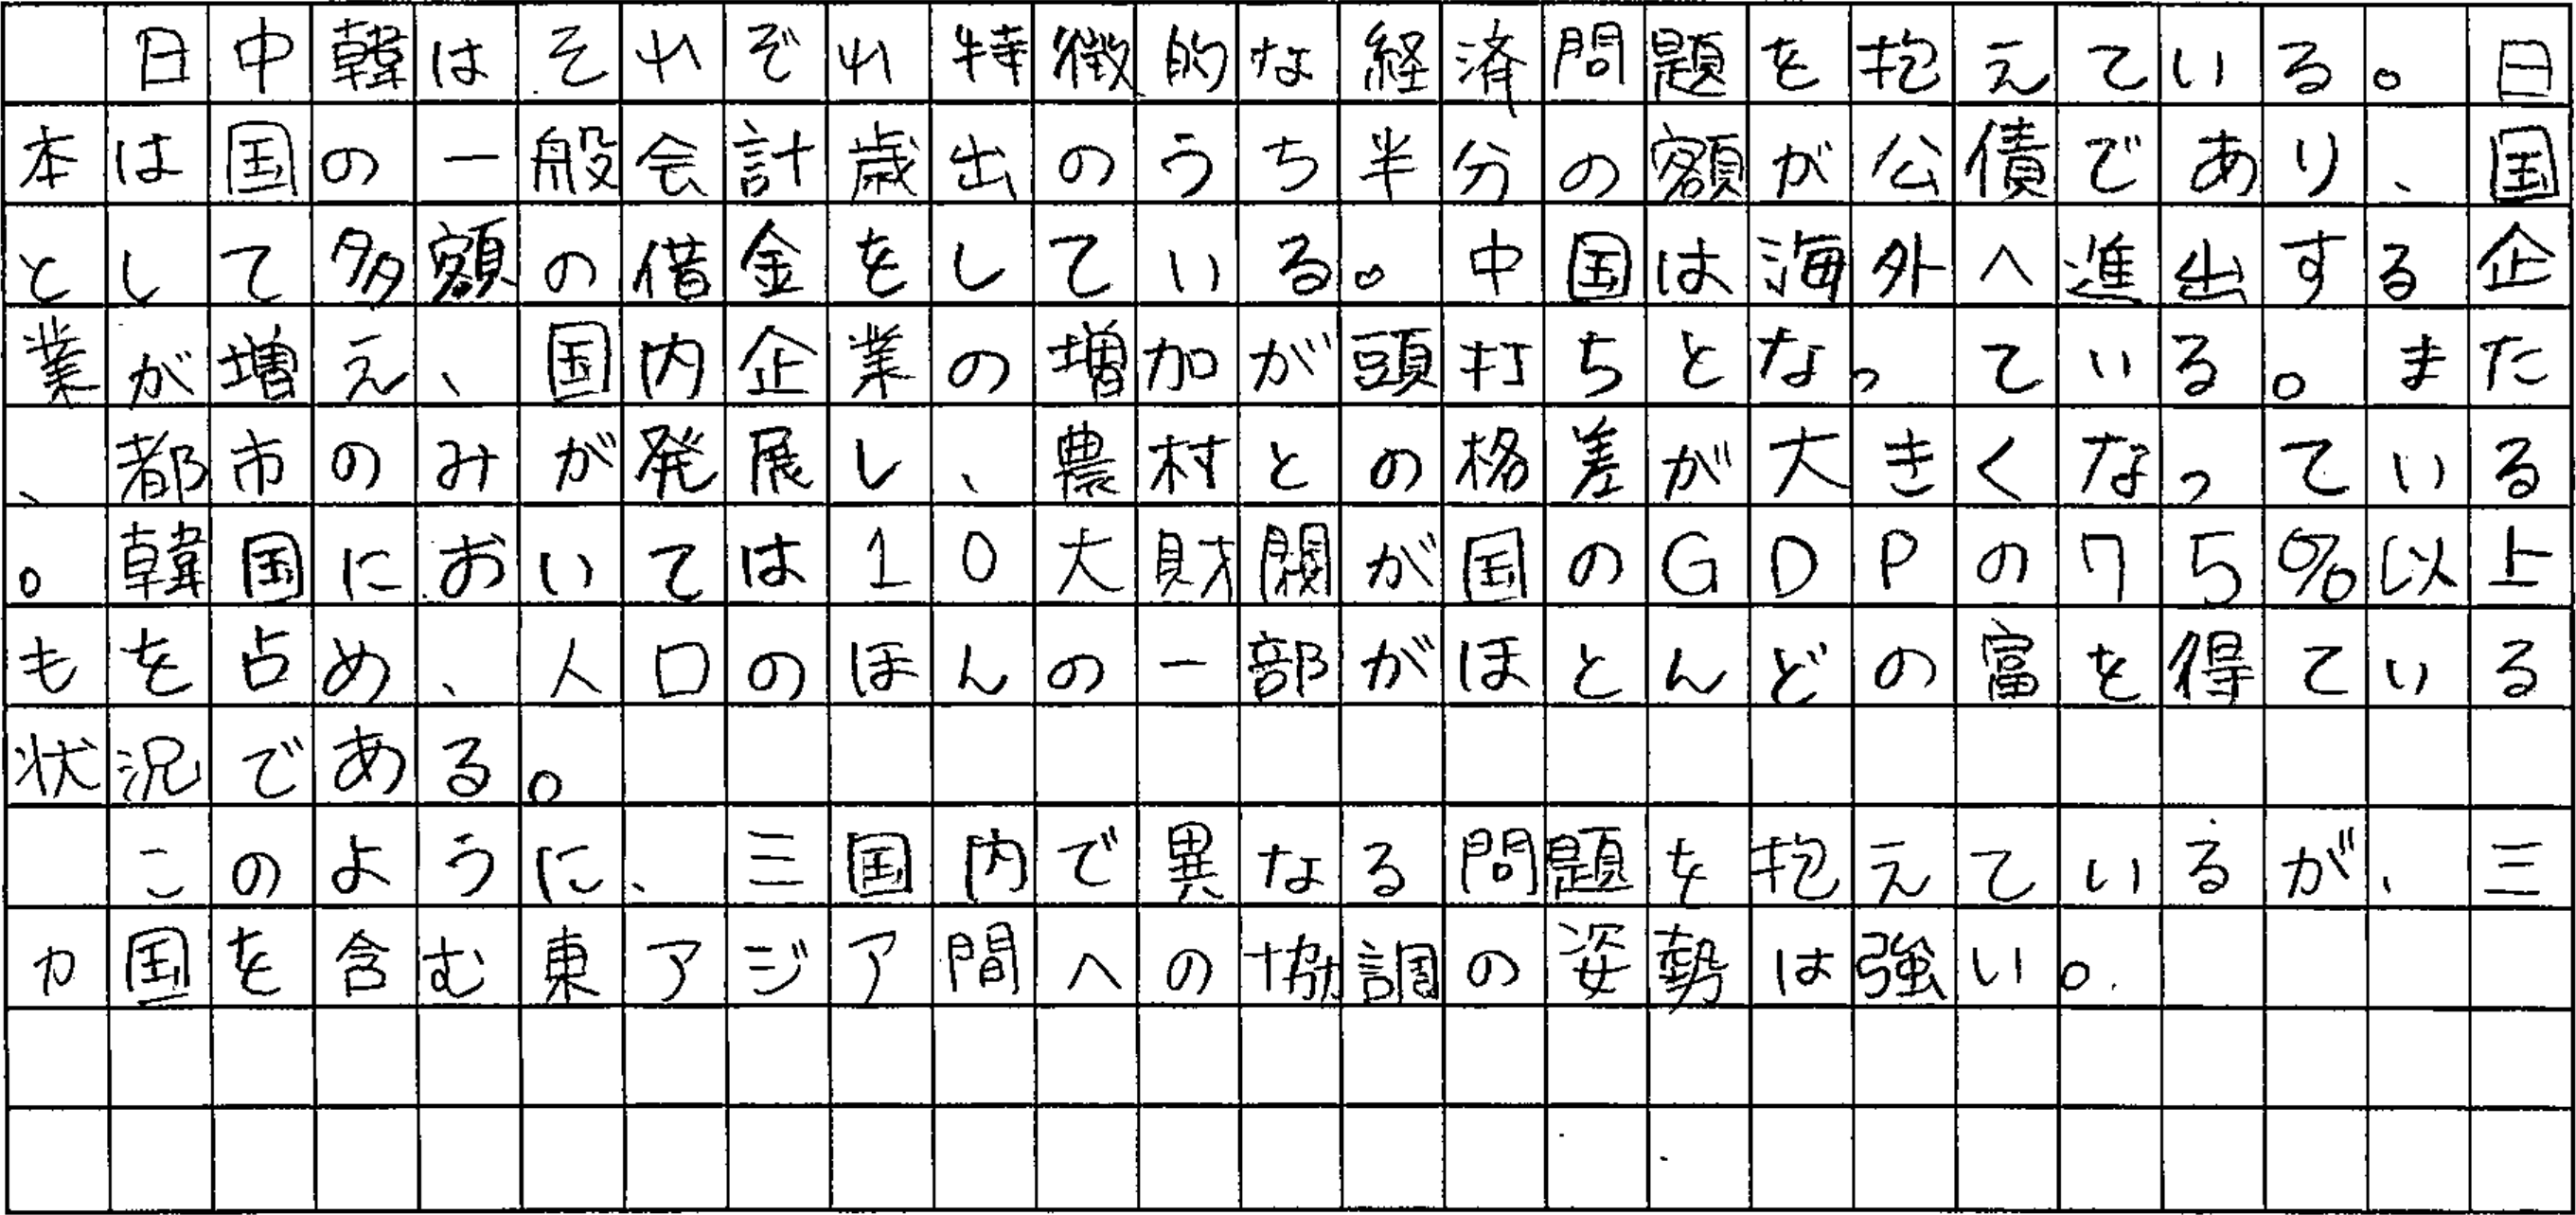　日中韓はそれぞれ特徴的な経済問題を抱えている。日本は国の一般会計歳出のうち半分の額が公債であり、国として多額の借金をしている。中国は海外へ進出する企業が増え、国内企業の増加が頭打ちとなっている。また、都市のみが発展し、農村との格差が大きくなっている。韓国においては１０大財閥が国のＧＤＰの７５％以上もを占め、人口のほんの一部がほとんどの富を得ている状況である。
　このように、三国内で異なる問題を抱えているが、三カ国を含む東アジア間への協調の姿勢は強い。
